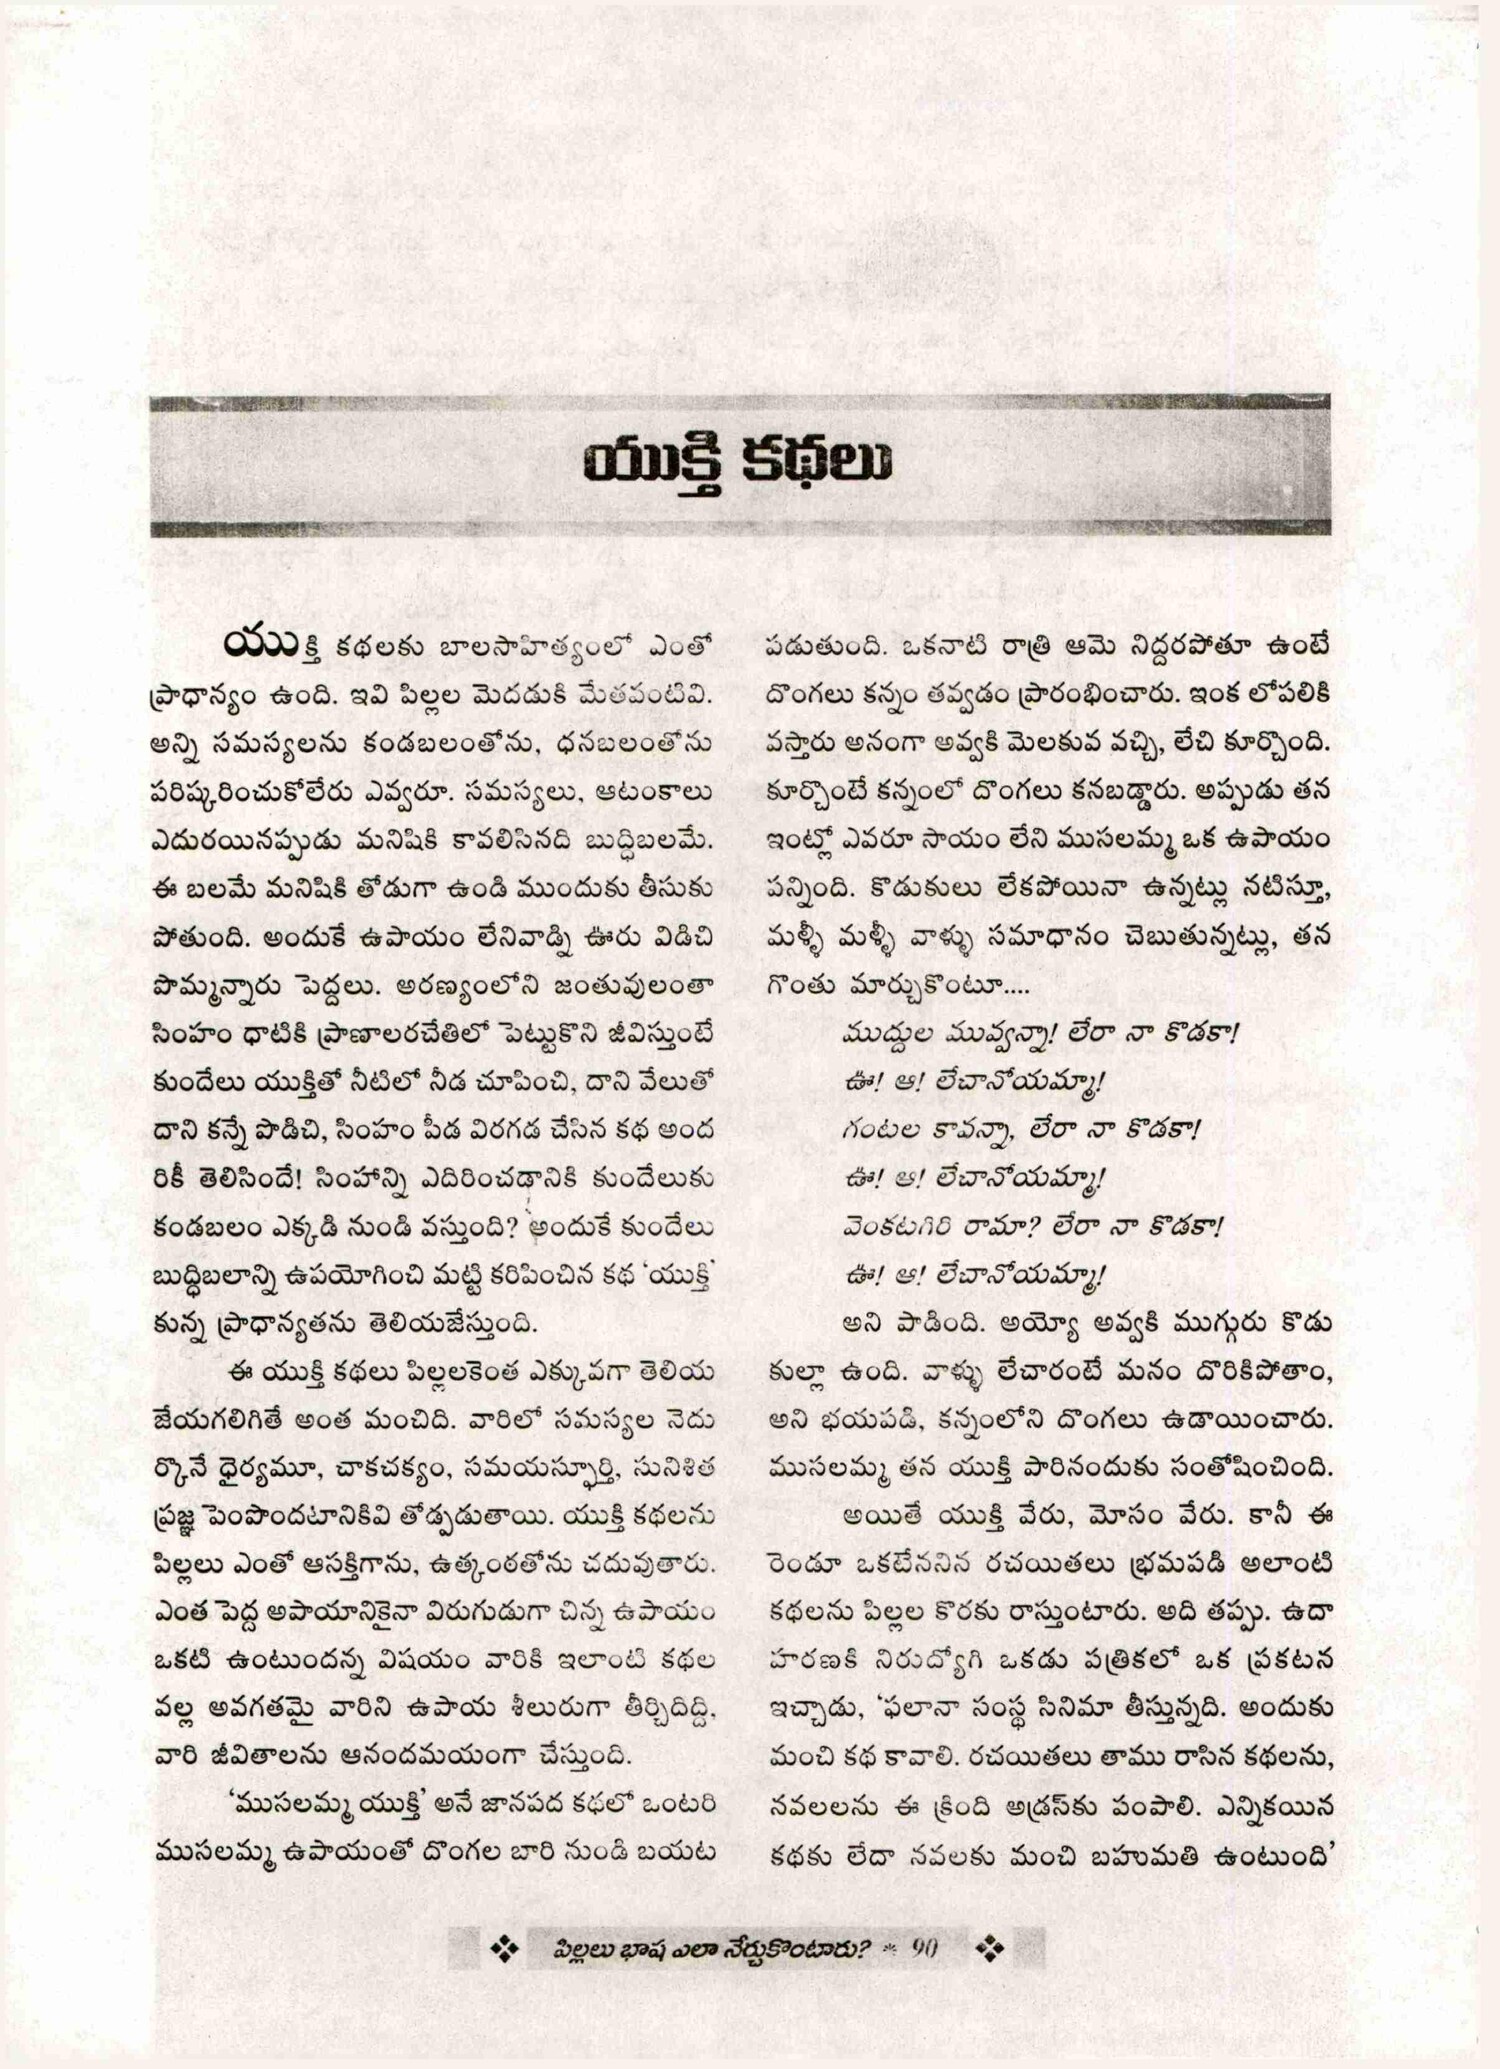యుక్తి కథలు

యుక్తి కథలకు బాలసాహిత్యంలో ఎంతో ప్రాధాన్యం ఉంది. ఇవి పిల్లల మెదడుకి మేతవంటివి. అన్ని సమస్యలను కండబలంతోను, ధనబలంతోను పరిష్కరించుకోలేరు ఎవ్వరూ. సమస్యలు, ఆటంకాలు ఎదురయినప్పుడు మనిషికి కావలిసినది బుద్ధిబలమే. ఈ బలమే మనిషికి తోడుగా ఉండి ముందుకు తీసుకుపోతుంది. అందుకే ఉపాయం లేనివాడ్ని ఊరు విడిచి పొమ్మన్నారు పెద్దలు. అరణ్యంలోని జంతువులంతా సింహం ధాటికి ప్రాణాలరచేతిలో పెట్టుకొని జీవిస్తుంటే కుందేలు యుక్తితో నీటిలో నీడ చూపించి, దాని వేలుతో దాని కన్నే పొడిచి, సింహం పీడ విరగడ చేసిన కథ అందరికీ తెలిసిందే! సింహాన్ని ఎదిరించడానికి కుందేలుకు కండబలం ఎక్కడి నుండి వస్తుంది? అందుకే కుందేలు బుద్ధిబలాన్ని ఉపయోగించి మట్టి కరిపించిన కథ 'యుక్తి' కున్న ప్రాధాన్యతను తెలియజేస్తుంది.

ఈ యుక్తి కథలు పిల్లలకెంత ఎక్కువగా తెలియ జేయగలిగితే అంత మంచిది. వారిలో సమస్యల నెదుర్కొనే ధైర్యమూ, చాకచక్యం, సమయస్ఫూర్తి, సునిశిత ప్రజ్ఞ పెంపొందటానికివి తోడ్పడుతాయి. యుక్తి కథలను పిల్లలు ఎంతో ఆసక్తిగాను, ఉత్కంఠతోను చదువుతారు. ఎంత పెద్ద అపాయానికైనా విరుగుడుగా చిన్న ఉపాయం ఒకటి ఉంటుందన్న విషయం వారికి ఇలాంటి కథల వల్ల అవగతమై వారిని ఉపాయ శీలురుగా తీర్చిదిద్ది, వారి జీవితాలను ఆనందమయంగా చేస్తుంది.

‘ముసలమ్మ యుక్తి' అనే జానపద కథలో ఒంటరి ముసలమ్మ ఉపాయంతో దొంగల బారి నుండి బయట పడుతుంది. ఒకనాటి రాత్రి ఆమె నిద్దరపోతూ ఉంటే దొంగలు కన్నం తవ్వడం ప్రారంభించారు. ఇంక లోపలికి వస్తారు అనంగా అవ్వకి మెలకువ వచ్చి, లేచి కూర్చొంది. కూర్చొంటే కన్నంలో దొంగలు కనబడ్డారు. అప్పుడు తన ఇంట్లో ఎవరూ సాయం లేని ముసలమ్మ ఒక ఉపాయం పన్నింది. కొడుకులు లేకపోయినా ఉన్నట్లు నటిస్తూ, మళ్ళీ మళ్ళీ వాళ్ళు సమాధానం చెబుతున్నట్లు, తన గొంతు మార్చుకొంటూ....

ముద్దుల మువ్వన్నా! లేరా నా కొడకా!
ఊ! ఆ! లేచానోయమ్మా!
గంటల కావన్నా, లేరా నా కొడకా!
ఊ! ఆ! లేచానోయమ్మా!
వెంకటగిరి రామా? లేరా నా కొడకా!
ఊ! ఆ! లేచానోయమ్మా!

అని పాడింది. అయ్యో అవ్వకి ముగ్గురు కొడుకుల్లా ఉంది. వాళ్ళు లేచారంటే మనం దొరికిపోతాం, అని భయపడి, కన్నంలోని దొంగలు ఉడాయించారు. ముసలమ్మ తన యుక్తి పారినందుకు సంతోషించింది.

అయితే యుక్తి వేరు, మోసం వేరు. కానీ ఈ రెండూ ఒకటేననిన రచయితలు భ్రమపడి అలాంటి కథలను పిల్లల కొరకు రాస్తుంటారు. అది తప్పు. ఉదాహరణకి నిరుద్యోగి ఒకడు పత్రికలో ఒక ప్రకటన ఇచ్చాడు, 'ఫలానా సంస్థ సినిమా తీస్తున్నది. అందుకు మంచి కథ కావాలి. రచయితలు తాము రాసిన కథలను, నవలలను ఈ క్రింది అడ్రస్‌కు పంపాలి. ఎన్నికయిన కథకు లేదా నవలకు మంచి బహుమతి ఉంటుంది'